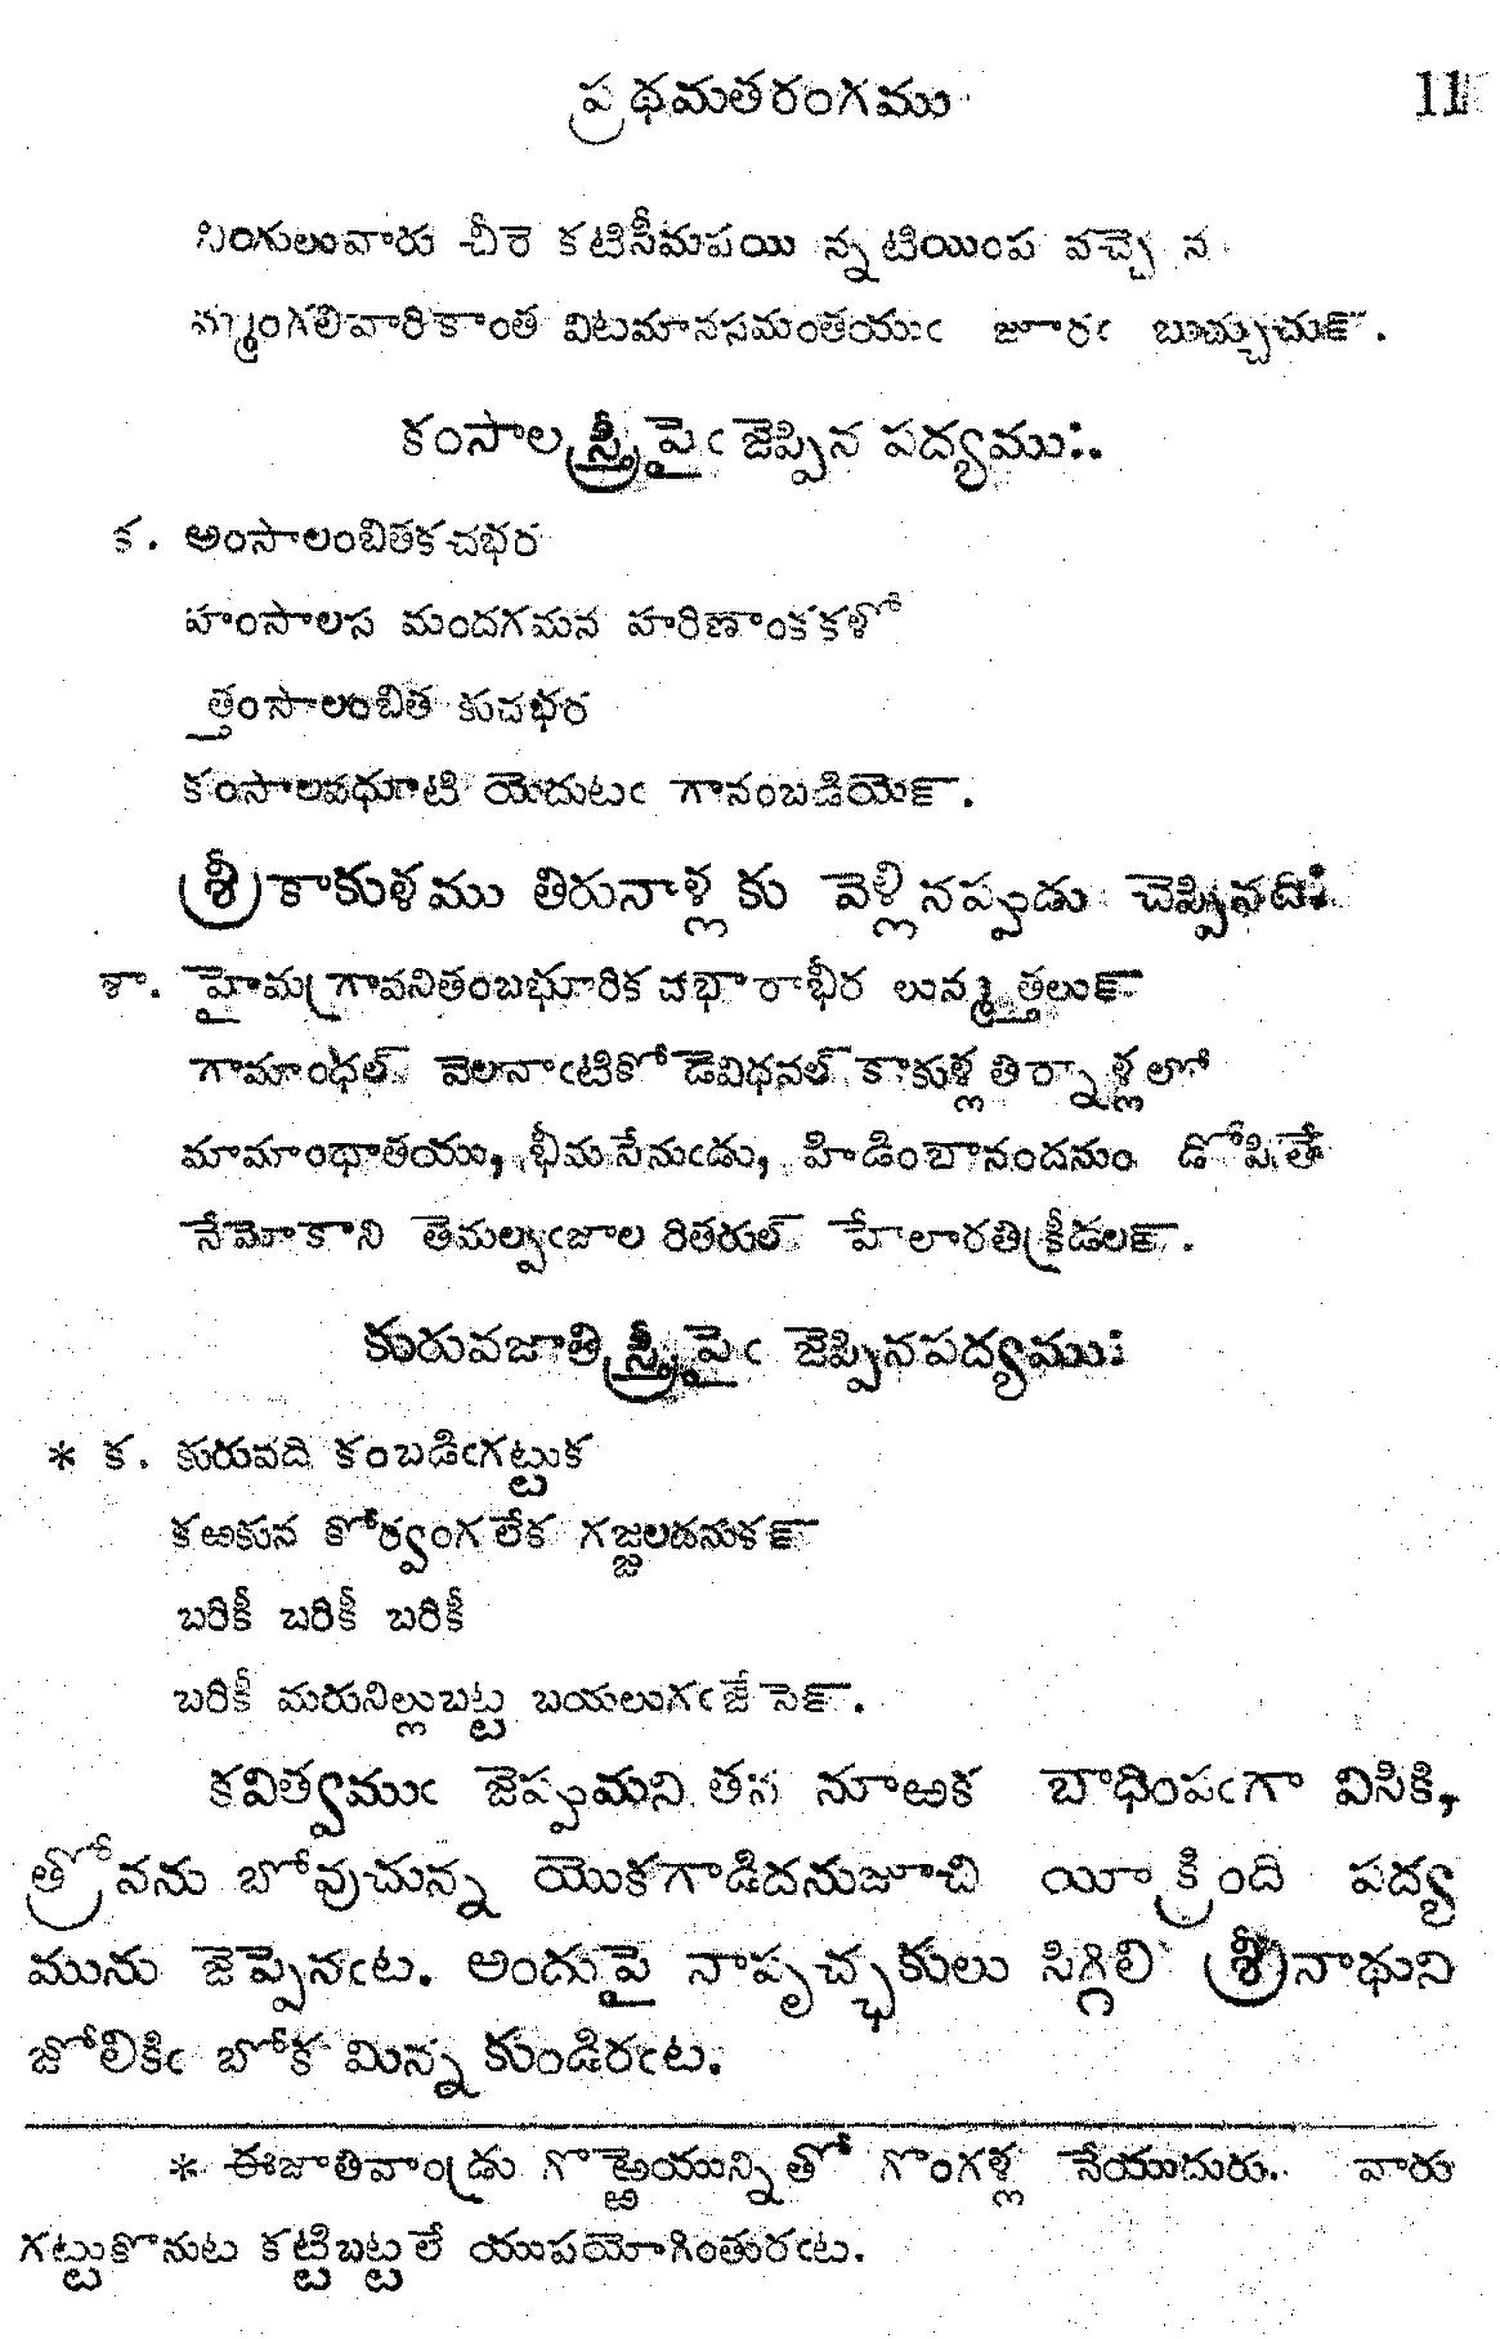నింగులువారు చీరె కటిసీమపయి న్నటియింప వచ్చె న
 మ్మంగలివారికాంత విటమానసమంతయుఁ జూరఁ బుచ్చుచున్.

కంసాలిస్త్రీపైఁజెప్పిన పద్యము

క. అంసాలంబితకచభర
 హంసాలస మందగమన హరిణాంకకళో
 త్తంసాలంబిత కుచభర
 కంసాలవిధూటి యెదుటఁ గానంబడియెన్.

శ్రీకాకుళము తిరునాళ్ళకు వెళ్ళినప్పుడు చెప్పినది.

శా. హైమగ్రావనితంబభూరికచభారభీర లున్మత్తలున్
 గామాంధల్ వెలనాఁటికోడెవిధవల్ కాకుళ్ళతిర్నాళ్లలో
 మామాంధాతయు, భీమసేనుఁడు, హిడింబానందనుం డోపితే
 నేమోకాని తెమల్పఁజాల రితరుల్ హేలారతిక్రీడలన్.

కురువజాతిస్త్రీపైఁ జెప్పిన పద్యము

క. కురువది కంబడిఁ గట్టుక
 కఱకున కోర్వంగలేక గజ్జలదనుకన్
 బరికీ బరికీ బరికీ
 బరికీ మరునిల్లు బట్టబయలుగఁజేసెన్.

కవిత్వముఁ జెప్పుమని తన నూఱక బాధింపఁగా విసికి, త్రోవను బోవుచున్న యొకగాడిదను జూచి యీక్రింది పద్యమును జెప్పెనఁట. అందుపై నాపృచ్ఛకులు సిగ్గిలి శ్రీనాథుని జోలికిఁ బోక మిన్నకుండిరఁట.